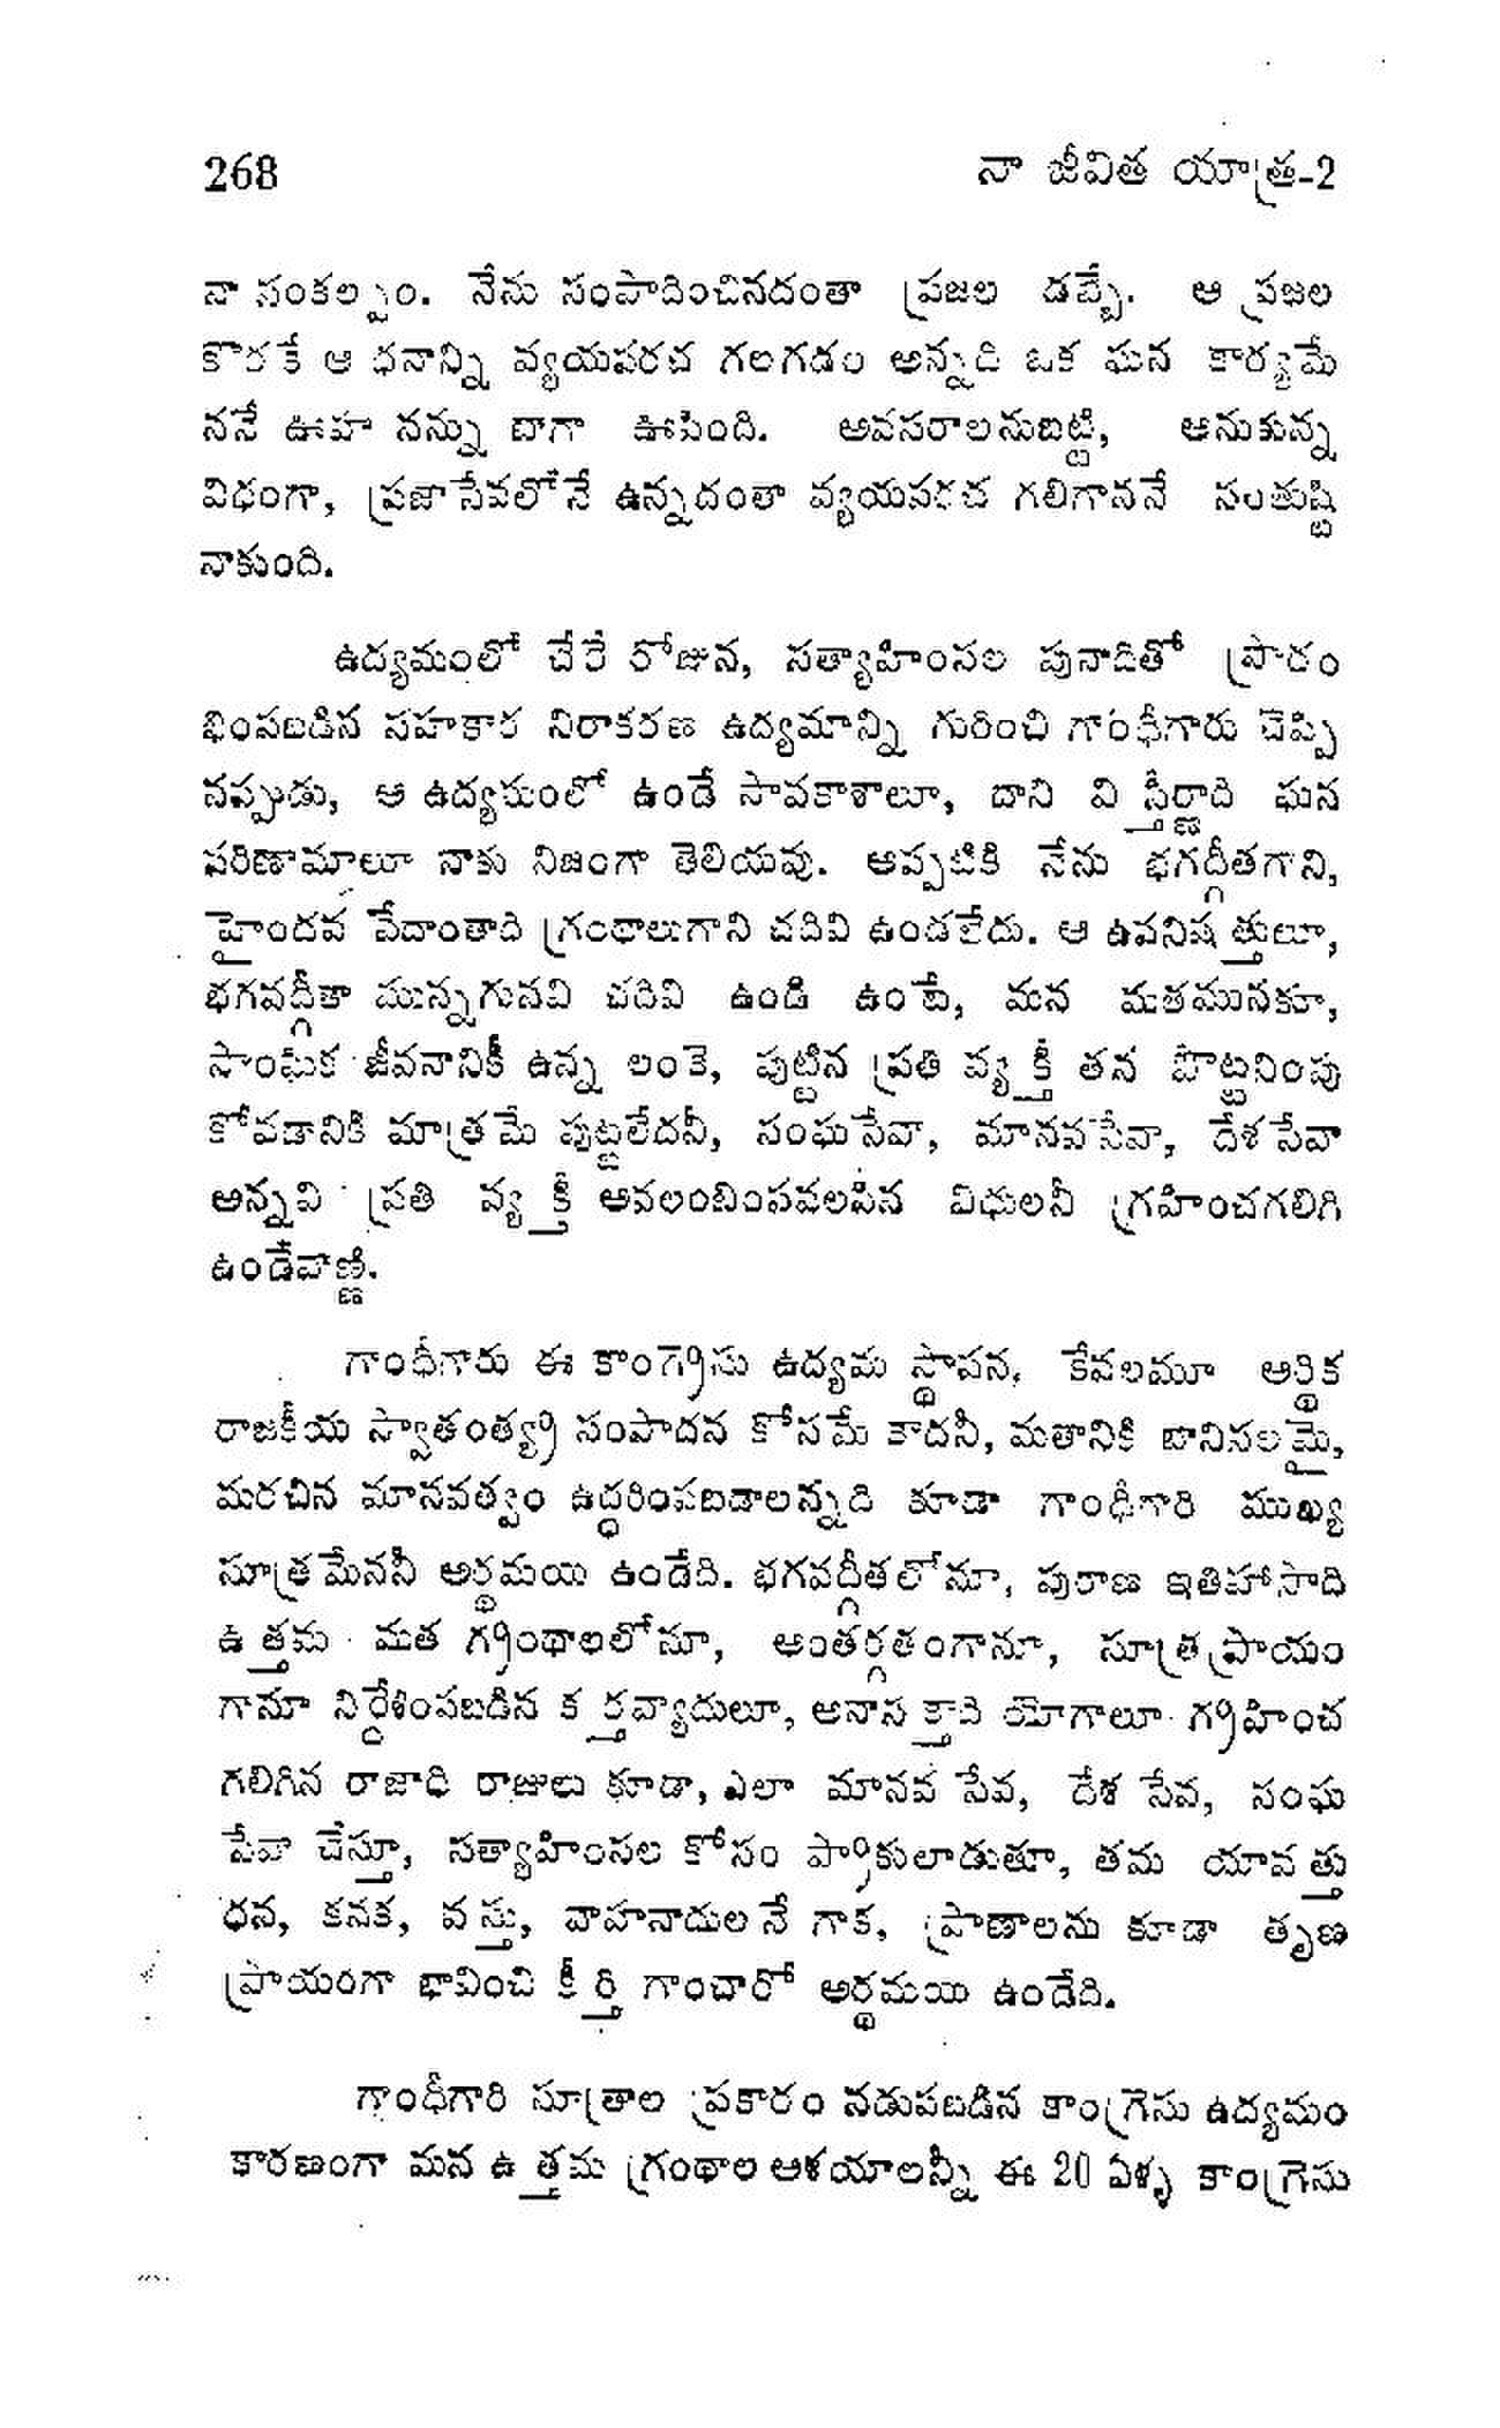నా సంకల్పం. నేను సంపాదించినదంతా ప్రజల డబ్బే. అ ప్రజల కొరకే అ ధనాన్ని వ్యయపరచ గలగడం అన్నది ఒక ఘన కార్యమే ననే ఊహా నన్ను బాగా ఊపింది. అవసరాలనుబట్టి, అనుకున్న విధంగా, ప్రజాసేవలోనే ఉన్నదంతా వ్యయపరచ గలిగాననే సంతుష్టి నాకుంది.

ఉద్యమంలో చేరే రోజున, సత్యాహింసల పునాదితో ప్రారంభింపబడిన సహకార నిరాకరణ ఉద్యమాన్ని గురించి గాంధీగారు చెప్పినప్పుడు, అ ఉద్యమంలో ఉండే సావకాశాలూ, దాని విస్తీర్ణాది ఘన పరిణామాలూ నాకు నిజంగా తెలియవు. అప్పటికి నేను భగద్గీతగాని, హైందవ వేదాంతాది గ్రంథాలుగాని చదివి ఉండలేదు. ఆ ఉపనిషత్తులూ, భగవద్గీతా మున్నగునవి చదివి ఉండి ఉంటే, మన మతమునకూ, సాంఘిక జీవనానికీ ఉన్న లంకె, పుట్టిన ప్రతి వ్యక్తీ తన పొట్టనింపుకోవడానికి మాత్రమే పుట్టలేదనీ, సంఘసేవా, మానవసేవా, దేశసేవా అన్నవి ప్రతి వ్యక్తీ అవలంబింపవలసిన విధులనీ గ్రహించగలిగి ఉండేవాణ్ణి

గాంధీగారు ఈ కాంగ్రెసు ఉద్యమ స్థాపన, కేవలమూ ఆర్థిక రాజకీయ స్వాతంత్య్ర సంపాదన కోసమే కాదనీ, మతానికి బానిసలమై, మరచిన మానవత్వం ఉద్ధరింపబడాలన్నది కూడా గాంధీగారి ముఖ్య సూత్రమేననీ అర్థముయి ఉండేది. భగవద్గీతలోనూ, పురాణ ఇతిహాసాది ఉత్తమ మత గ్రంథాలలోనూ, అంతర్గతంగానూ, సూత్రప్రాయంగానూ నిర్దేశింపబడిన కర్తవ్యాదులూ, అనాసక్తాది యోగాలూ గ్రహించ గలిగిన రాజాధి రాజులు కూడా, ఎలా మానవ సేవ, దేశ సేవ, సంఘ సేవా చేస్తూ, సత్యాహింసల కోసం ప్రాకులాడుతూ, తమ యావత్తు ధన, కనక, వస్తు, వాహనాదులనే గాక, ప్రాణాలను కూడా తృణప్రాయంగా భావించి కీర్తి గాంచారో అర్థమయి ఉండేది.

గాంధీగారి సూత్రాల ప్రకారం నడుపబడిన కాంగ్రెసు ఉద్యమం కారణంగా మన ఉత్తమ గ్రంథాల ఆశయాలన్నీ ఈ 20 ఏళ్ళ కాంగ్రెసు